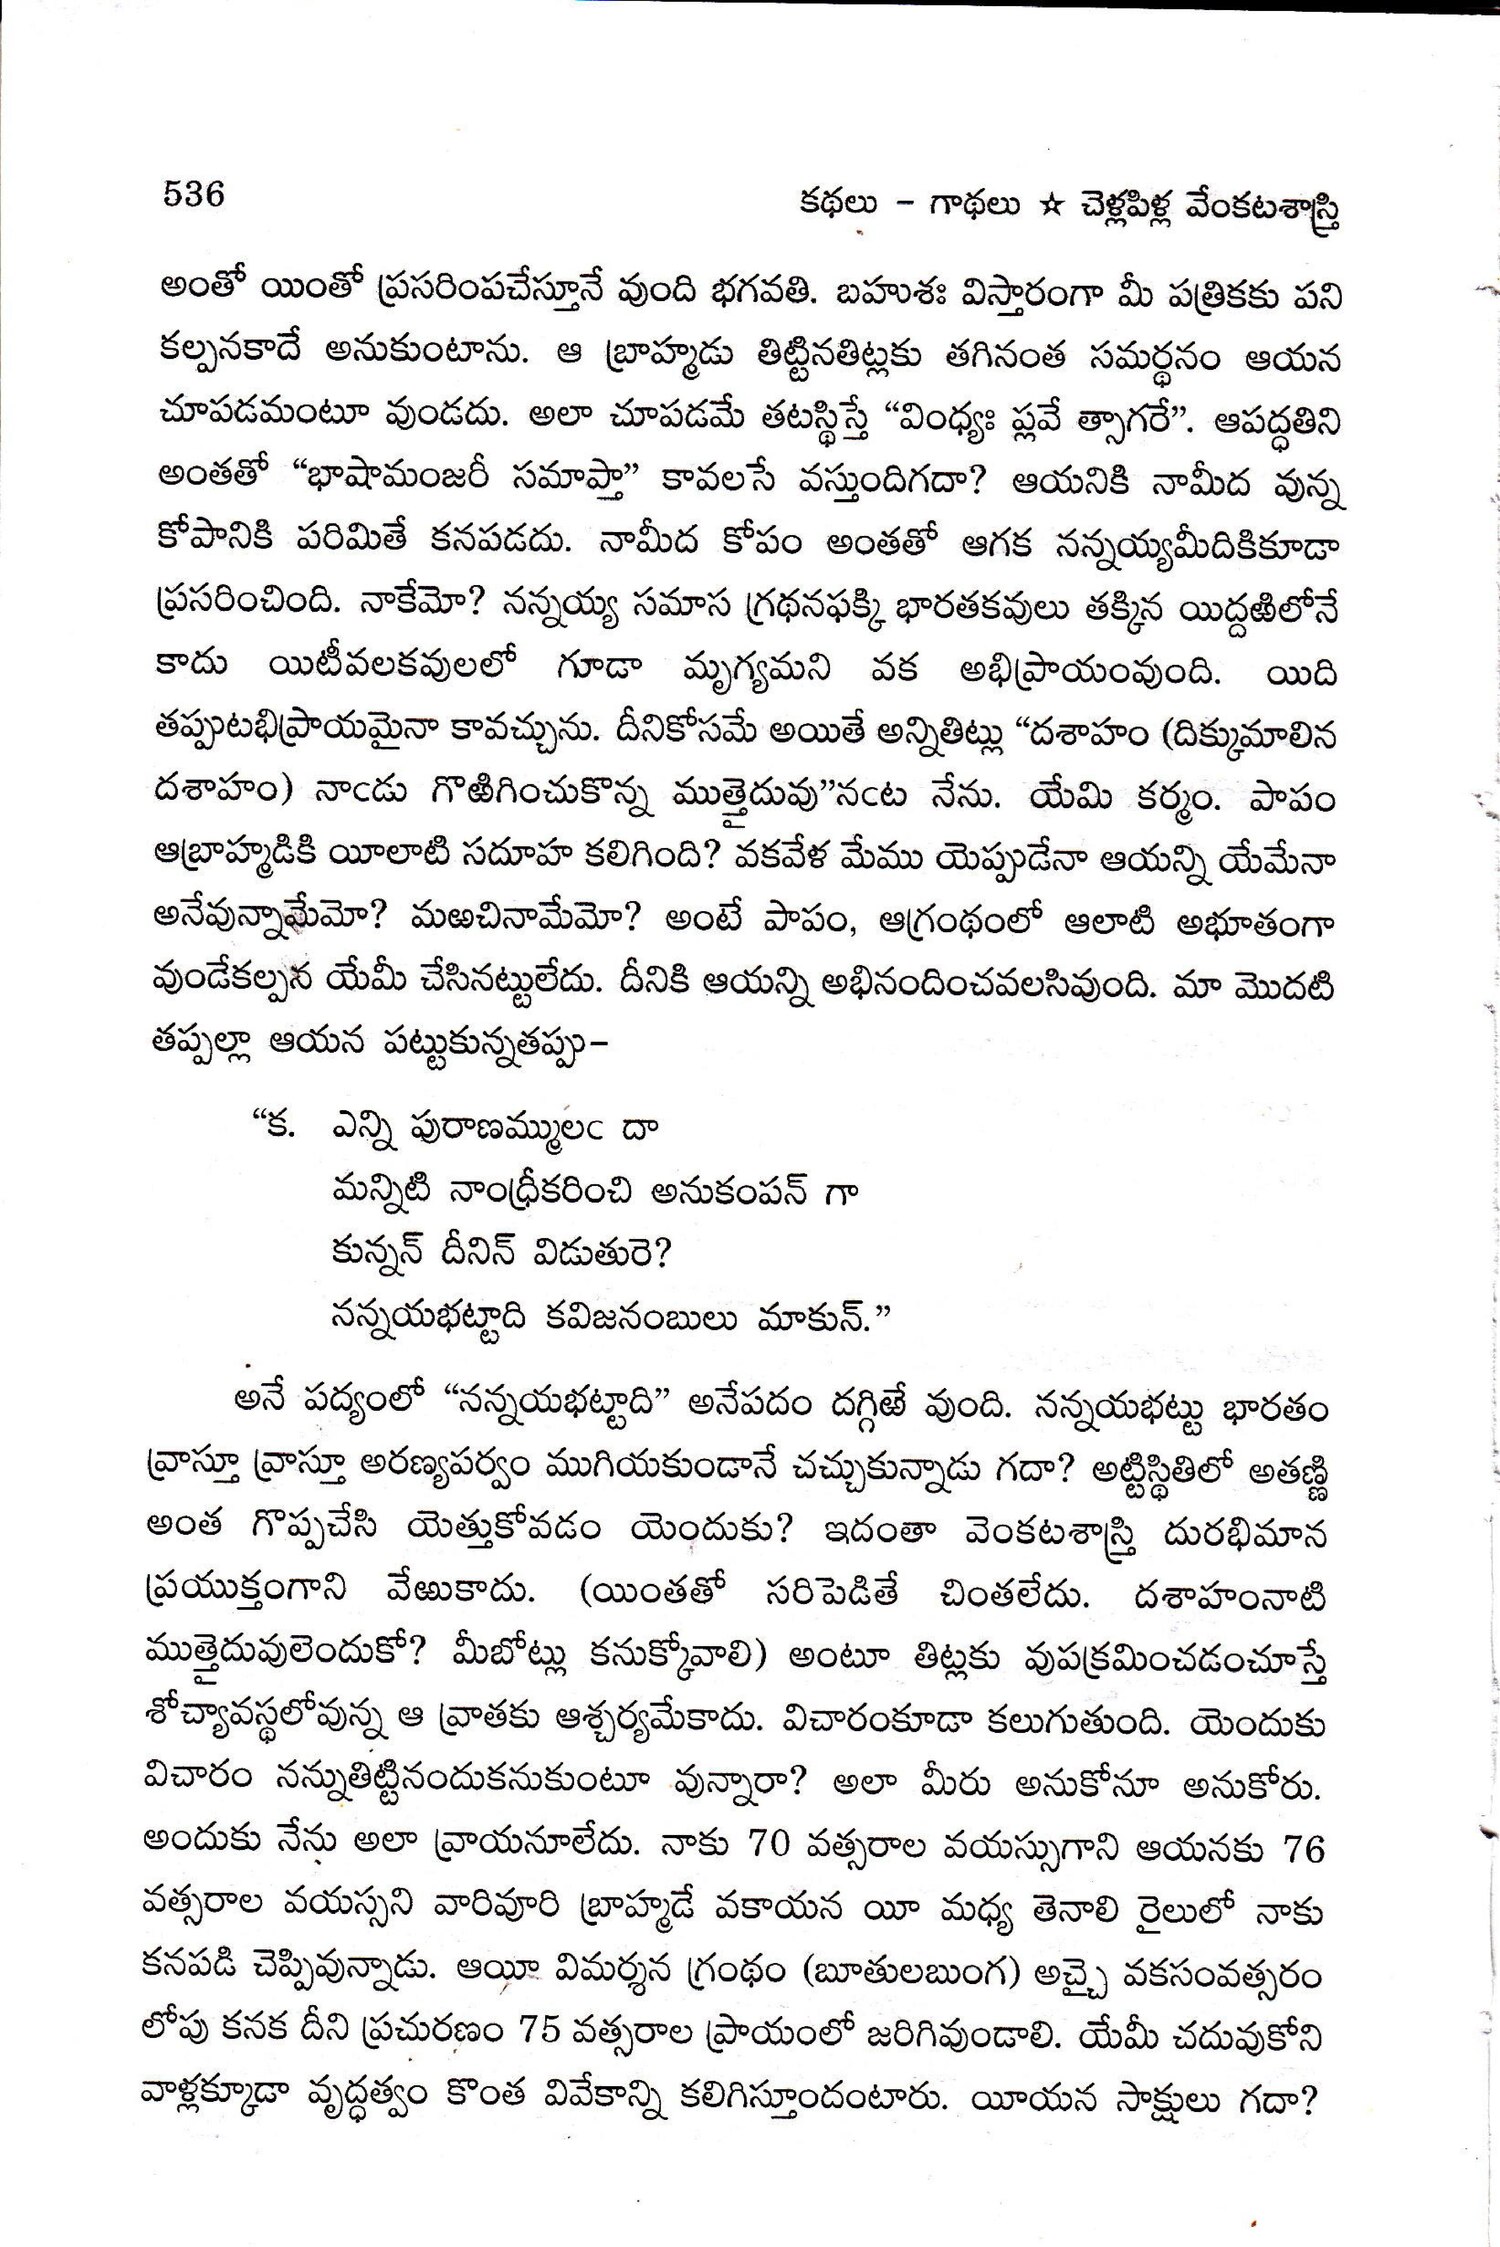అంతో యింతో ప్రసరింపచేస్తూనే వుంది భగవతి. బహుశః విస్తారంగా మీ పత్రికకు పని కల్పనకాదే అనుకుంటాను. ఆ బ్రాహ్మడు తిట్టినతిట్లకు తగినంత సమర్ధనం ఆయన చూపడమంటూ వుండదు. అలా చూపడమే తటస్థిస్తే “వింధ్యః ప్లవే త్సాగరే". ఆపద్ధతిని అంతతో "భాషామంజరీ సమాప్తా" కావలసే వస్తుందిగదా? ఆయనికి నామీద వున్న కోపానికి పరిమితే కనపడదు. నామీద కోపం అంతతో ఆగక నన్నయ్యమీదికికూడా ప్రసరించింది. నాకేమో? నన్నయ్య సమాస గ్రథనఫక్కి భారతకవులు తక్కిన యిద్దఱిలోనే కాదు యిటీవలకవులలో గూడా మృగ్యమని వక అభిప్రాయంవుంది. యిది తప్పుటభిప్రాయమైనా కావచ్చును. దీనికోసమే అయితే అన్నితిట్లు “దశాహం (దిక్కుమాలిన దశాహం) నాఁడు గొఱిగించుకొన్న ముత్తైదువు"నఁట నేను. యేమి కర్మం. పాపం ఆబ్రాహ్మడికి యీలాటి సదూహ కలిగింది? వకవేళ మేము యెప్పడేనా ఆయన్ని యేమేనా అనేవున్నామేమో? మఱచినామేమో? అంటే పాపం, ఆగ్రంథంలో ఆలాటి అభూతంగా వుండేకల్పన యేమీ చేసినట్టులేదు. దీనికి ఆయన్ని అభినందించవలసివుంది. మా మొదటి తప్పల్లా ఆయన పట్టుకున్నతప్పు

“క. ఎన్ని పురాణమ్ములఁ దా
 మన్నిటి నాంద్రీకరించి అనుకంపన్ గా 
 కున్నన్ దీనిన్ విడుతురె? 
 నన్నయభట్టాది కవిజనంబులు మాకున్.”
అనే పద్యంలో "నన్నయభట్టాది" అనేపదం దగ్గిఱే వుంది. నన్నయభట్టు భారతం వ్రాస్తూ వ్రాస్తూ అరణ్యపర్వం ముగియకుండానే చచ్చుకున్నాడు గదా? అట్టిస్థితిలో అతణ్ణి అంత గొప్పచేసి యెత్తుకోవడం యెందుకు? ఇదంతా వెంకటశాస్త్రి దురభిమాన ప్రయుక్తంగాని వేఱుకాదు. (యింతతో సరిపెడితే చింతలేదు. దశాహంనాటి ముత్తైదువులెందుకో? మీబోట్లు కనుక్కోవాలి) అంటూ తిట్లకు వుపక్రమించడంచూస్తే శోచ్యావస్థలోవున్న ఆ వ్రాతకు ఆశ్చర్యమేకాదు. విచారంకూడా కలుగుతుంది. యెందుకు విచారం నన్నుతిట్టినందుకనుకుంటూ వున్నారా? అలా మీరు అనుకోనూ అనుకోరు. అందుకు నేను అలా వ్రాయనూలేదు. నాకు 70 వత్సరాల వయస్సుగాని ఆయనకు 76 వత్సరాల వయస్సని వారివూరి బ్రాహ్మడే వకాయన యీ మధ్య తెనాలి రైలులో నాకు కనపడి చెప్పివున్నాడు. ఆయీ విమర్శన గ్రంథం (బూతులబుంగ) అచ్చై వకసంవత్సరం లోపు కనక దీని ప్రచురణం 75 వత్సరాల ప్రాయంలో జరిగివుండాలి. యేమీ చదువుకోని వాళ్లక్కూడా వృద్ధత్వం కొంత వివేకాన్ని కలిగిస్తూందంటారు. యీయన సాక్షులు గదా?